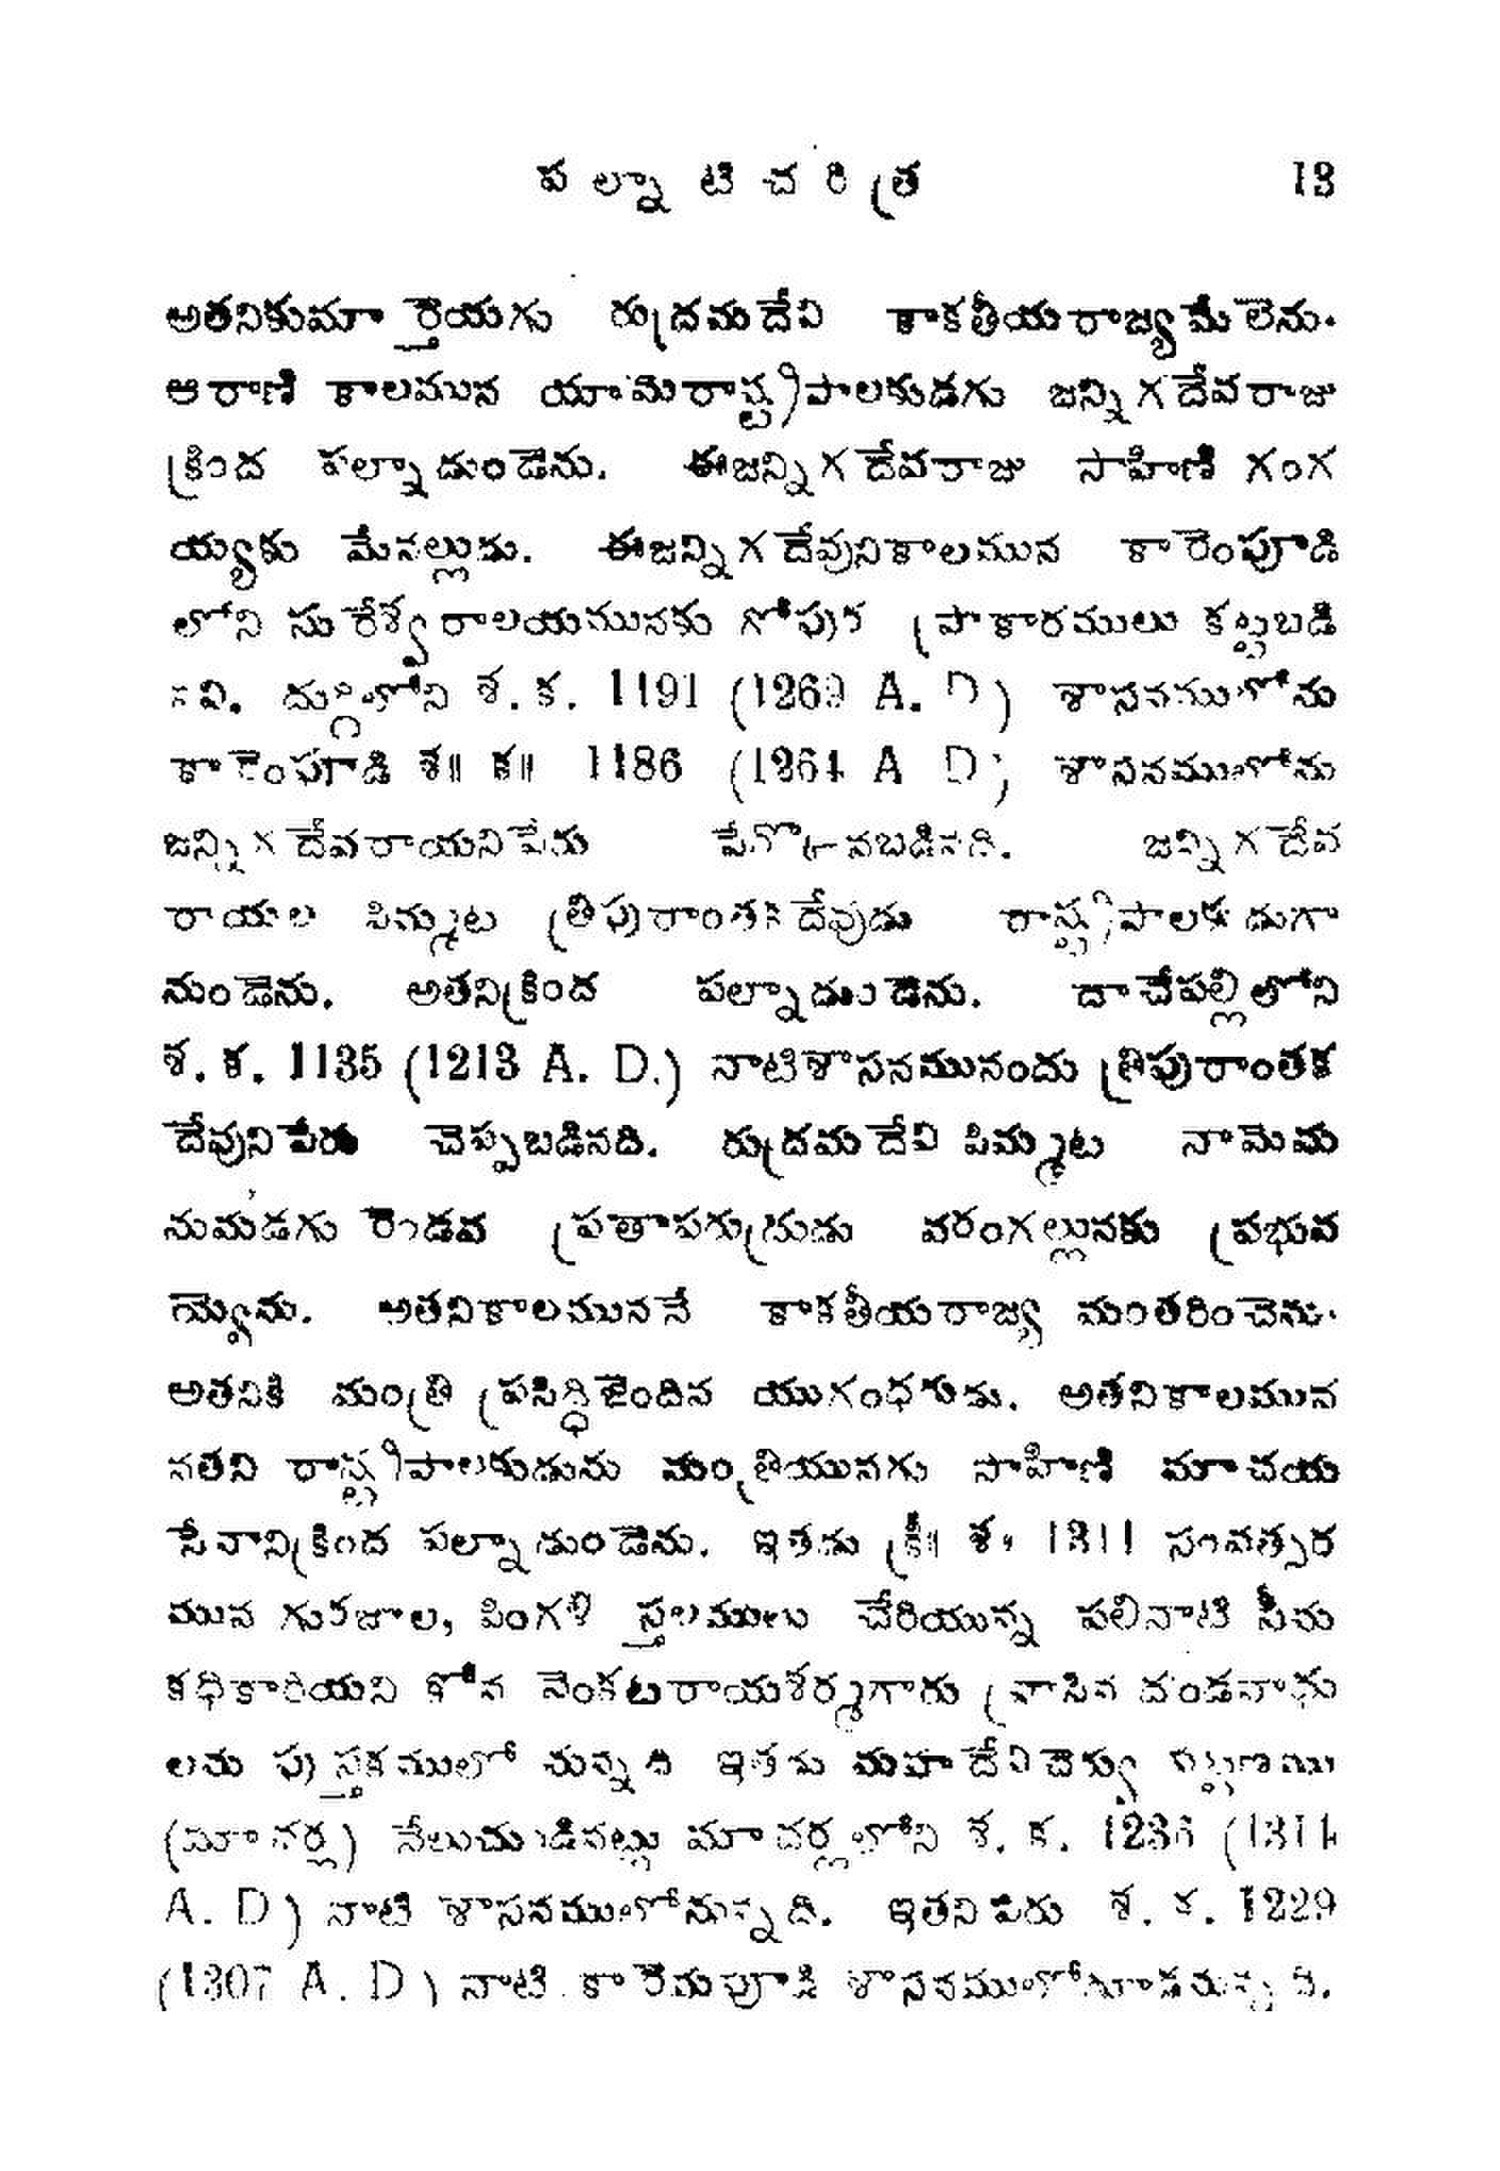అతనికుమార్తెయగు రుద్రమదేవి కాకతీయ రాజ్యమేలెను.
ఆరాణి కాలమున యామెరాష్ట్రపాలకుడగు జన్నిగదేవరాజు
క్రింద పల్నాడుండెను. ఈజన్నిగదేవరాజు సాహిణి గంగ
య్యకు మేనల్లుడు. ఈజన్నిగదేవునికాలమున కారెంపూడి
లోని సురేశ్వరాలయమునకు గోపుర ప్రాకారములు కట్టబడినవి. 
దుర్గి లోని శ.క. 1191 (1269 A.D) శాసనములోను
కారెంపూడి శ॥క ॥ 1186 (1264 AD) శాసనములోను
జన్నిగదేవరాయనిపేరు పేర్కొనబడినది.
జన్నిగదేవరాయల పిమ్మట త్రిపురాంతకదేవుడు రాష్ట్రపాలకుడుగా
నుండెను.
అతని క్రింద పల్నాడుండెను . దాచేపల్లిలోని
శ.శ. 1135 (1213 A. D.) నాటి శాసనమునందు త్రిపురాంతక
దేవుని పేరు చెప్పబడినది. రుద్రమదేవి పిమ్మట నామె 
మనుమడగు రెండవ ప్రతాపరుద్రుడు వరంగల్లునకు ప్రభువ
య్యెను. అతనికాలముననే కాకతీయ రాజ్య మంతరించెను.
అతనికి మంత్రి ప్రసిద్ధిచెందిన యుగంధరుడు. అతనికాలమున
నతని రాష్ట్రపాలకుడును మంత్రియునగు సాహిణి మాచయ
సేనాని క్రింద పల్నాడుండెను. ఇతడు క్రీ శ. 1311 సంవత్సరమున 
గురజాల, పింగళి స్తలములు చేరియున్న పలినాటి సీమ 
కధికారియని కోన వెంకటరాయశర్మగారు వ్రాసిన దండనాధులను 
పుస్తకములో నున్నది. ఇతను మహదేవి చెర్వు పట్టణము
(మాచర్ల) నేలుచుండినట్లు మాచర్లలోని శ. క. 1236 (1314
A. D) నాటి శాసనములోనున్నది. ఇతని పేరు శ.క.1229
(1307 A. D) నాటి కారెమ పూడి శాసనములోగూడ నున్నది.